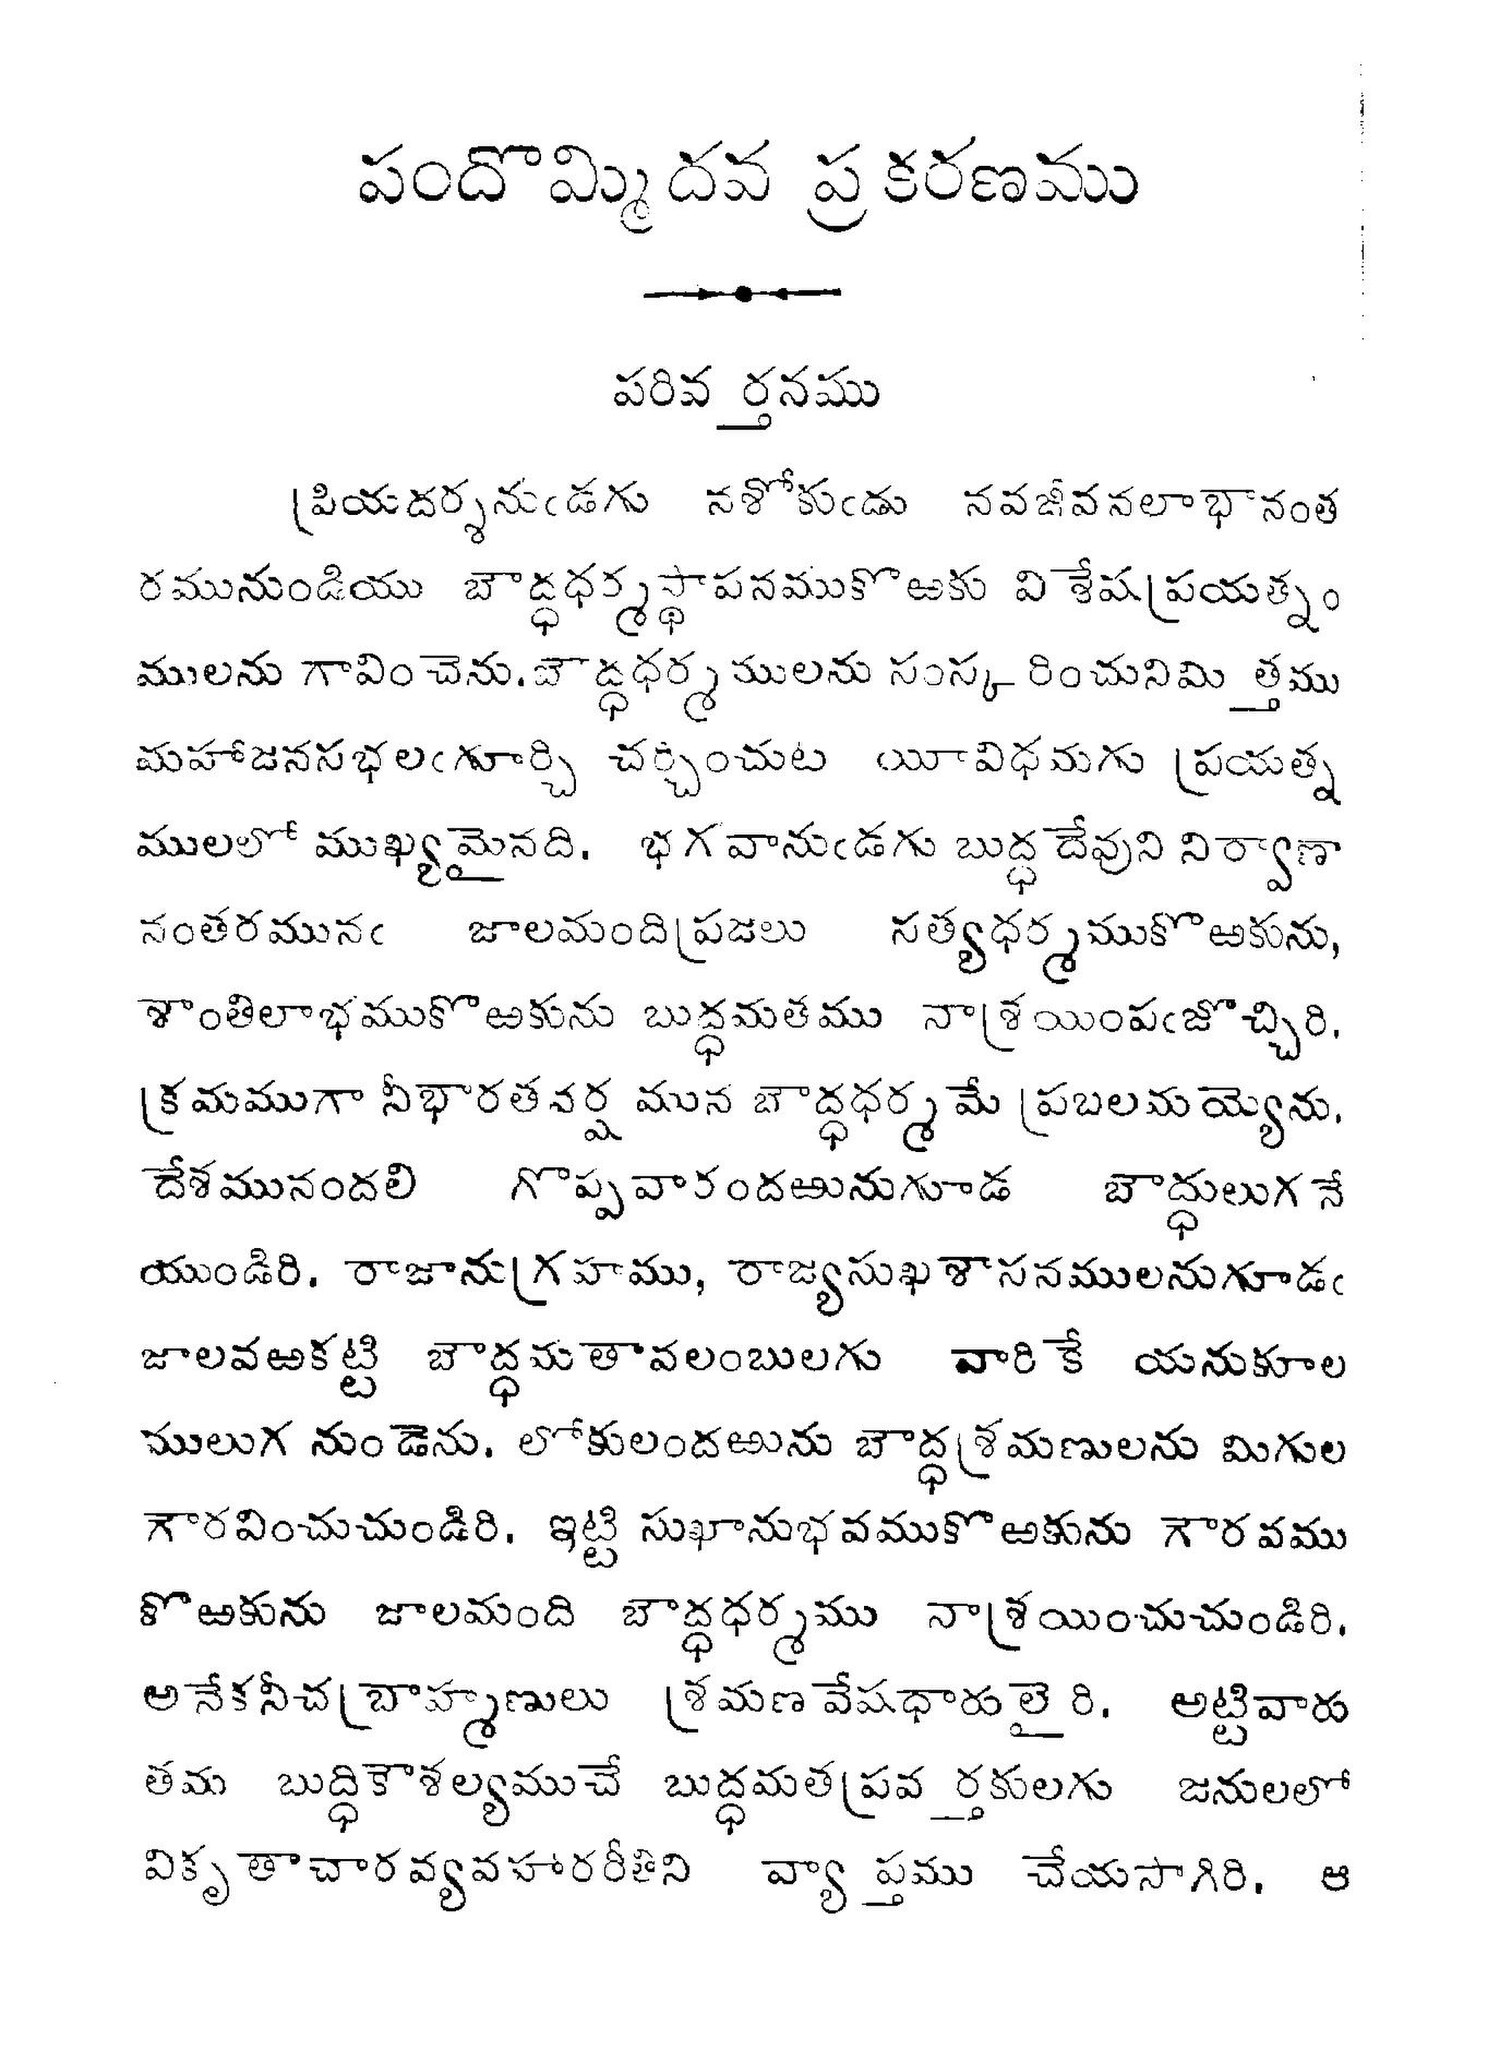పందొమ్మిదవ ప్రకరణము

ప్రియదర్శనుఁడగు నశోకుఁడు నవజీవనలాభానంతరమునుండియు బౌద్ధధర్మ స్థాపనము కోఱకు విశేష ప్రయత్నంములను గావించెను. బౌద్ధధర్మములను సంస్కరించునిమి త్తము
మహాజనసభలఁ గూర్చి చర్చించుట యీ విధమగు ప్రయత్నములలో ముఖ్యమైనది. భగవానుఁడగు బుద్ధ దేవుని నిర్వాణానంతరమునఁ జాలమంది ప్రజలు సత్యధర్మముకొఱకును,
శాంతిలాభముకొఱకును బుద్ధమతము నాశ్రయింపఁజోచ్చిరి. క్రమముగా నీ భారతవర్ష మున బౌద్ధధర్మమే ప్రబలమయ్యెను, దేశమునందలి గొప్ప వారందఱునుగూడ బౌద్ధులుగ నే యుండిరి. రాజానుగ్రహము, రాజ్యసుఖ శాసనములనుగూడ జాలవఱకట్టి బౌద్ధ మతావలంబులగు వారి కే యనుకూలములుగ నుండెను. లోకులందఱును బౌద్ధ శ్రమణులను మిగుల గౌరవించుచుండిరి. ఇట్టి సుఖానుభవముకొఱకును గౌరవము కొఱకును జాలమంది బౌద్ధధర్మము నాశ్రయించుచుండిరి. అనేక నీచ బ్రాహ్మణులు శ్రమణ వేషధారులైరి. అట్టివారు
తమ బుద్ధి కౌశల్యముచే బుద్ధమత ప్రవ ర్తకులగు జనులలో వికృతాచార వ్యవహారరీతిని వ్యాప్తము చేయసాగిరి. ఆ